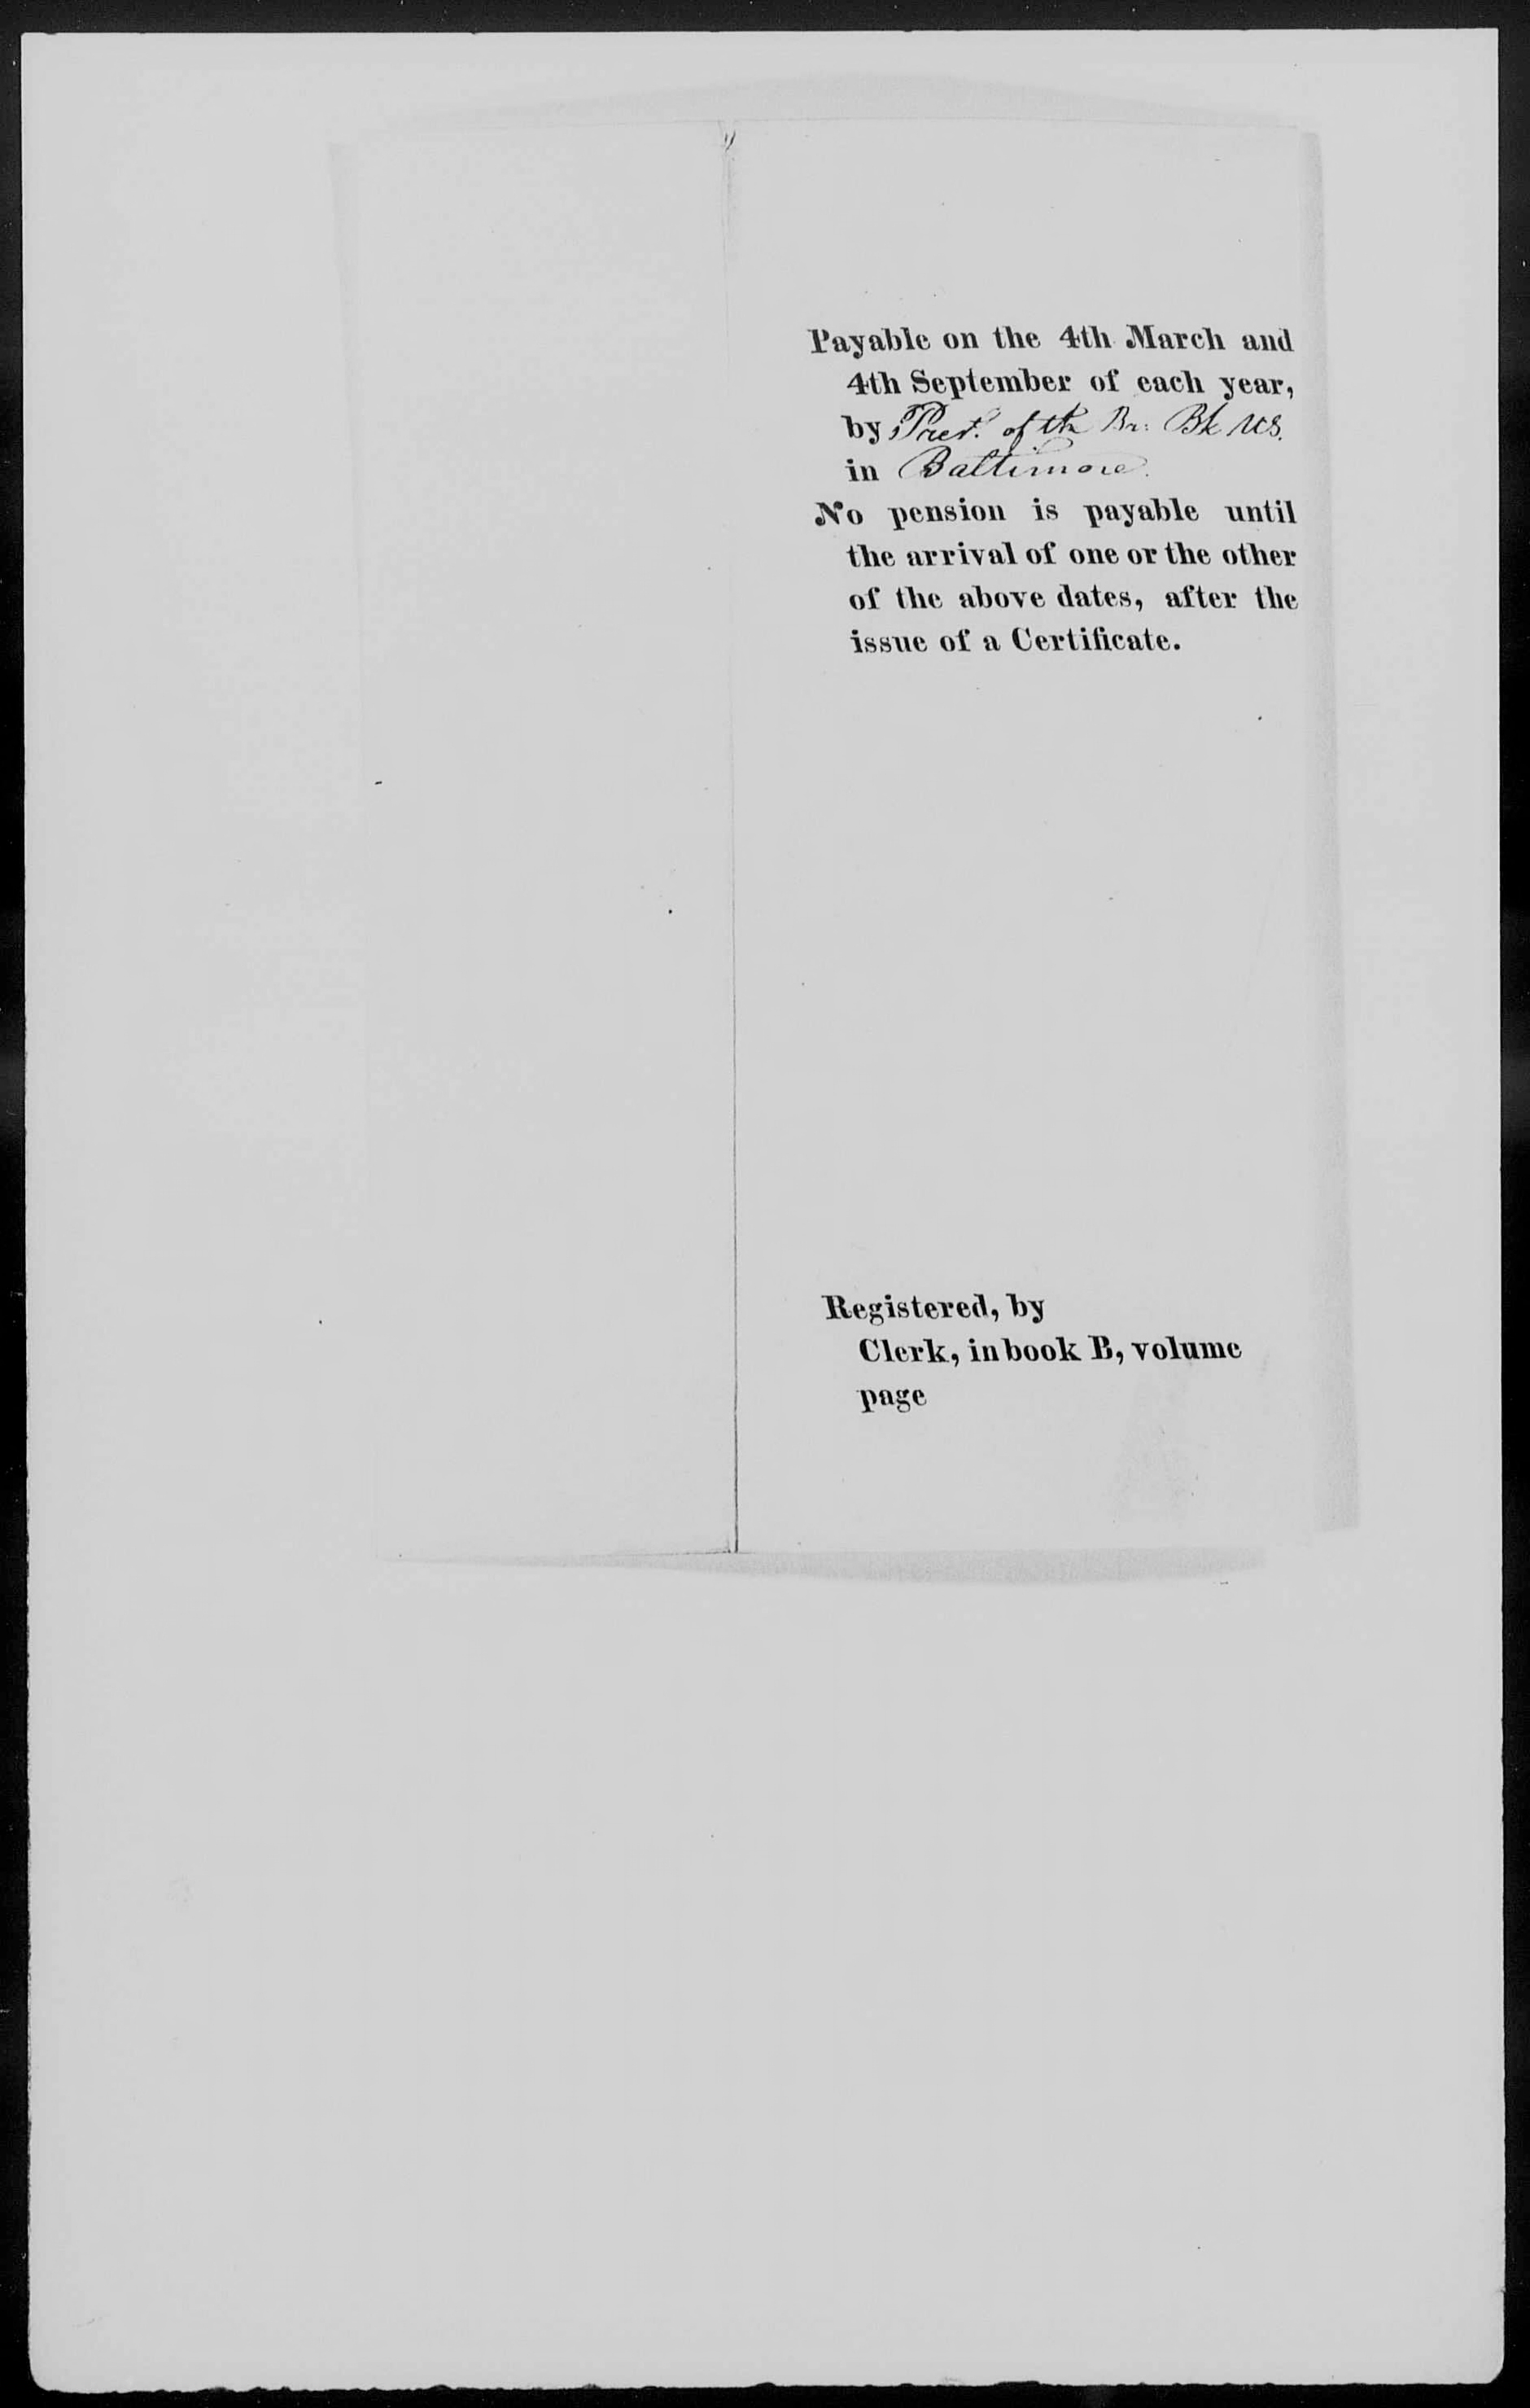Payable on the 4 th March and 4 th September of each year, by Prest. of the [illegible] Bk [illegible] in Baltimore.

No pension is payable until the arrival of one or the other of the above dates, after the issue of a Certificate. 

Registered, by Clerk, in book B, volume [blank space] page [blank space]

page: 17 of 18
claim: survivor's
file: S. 34654, Jacob Blake, Md.